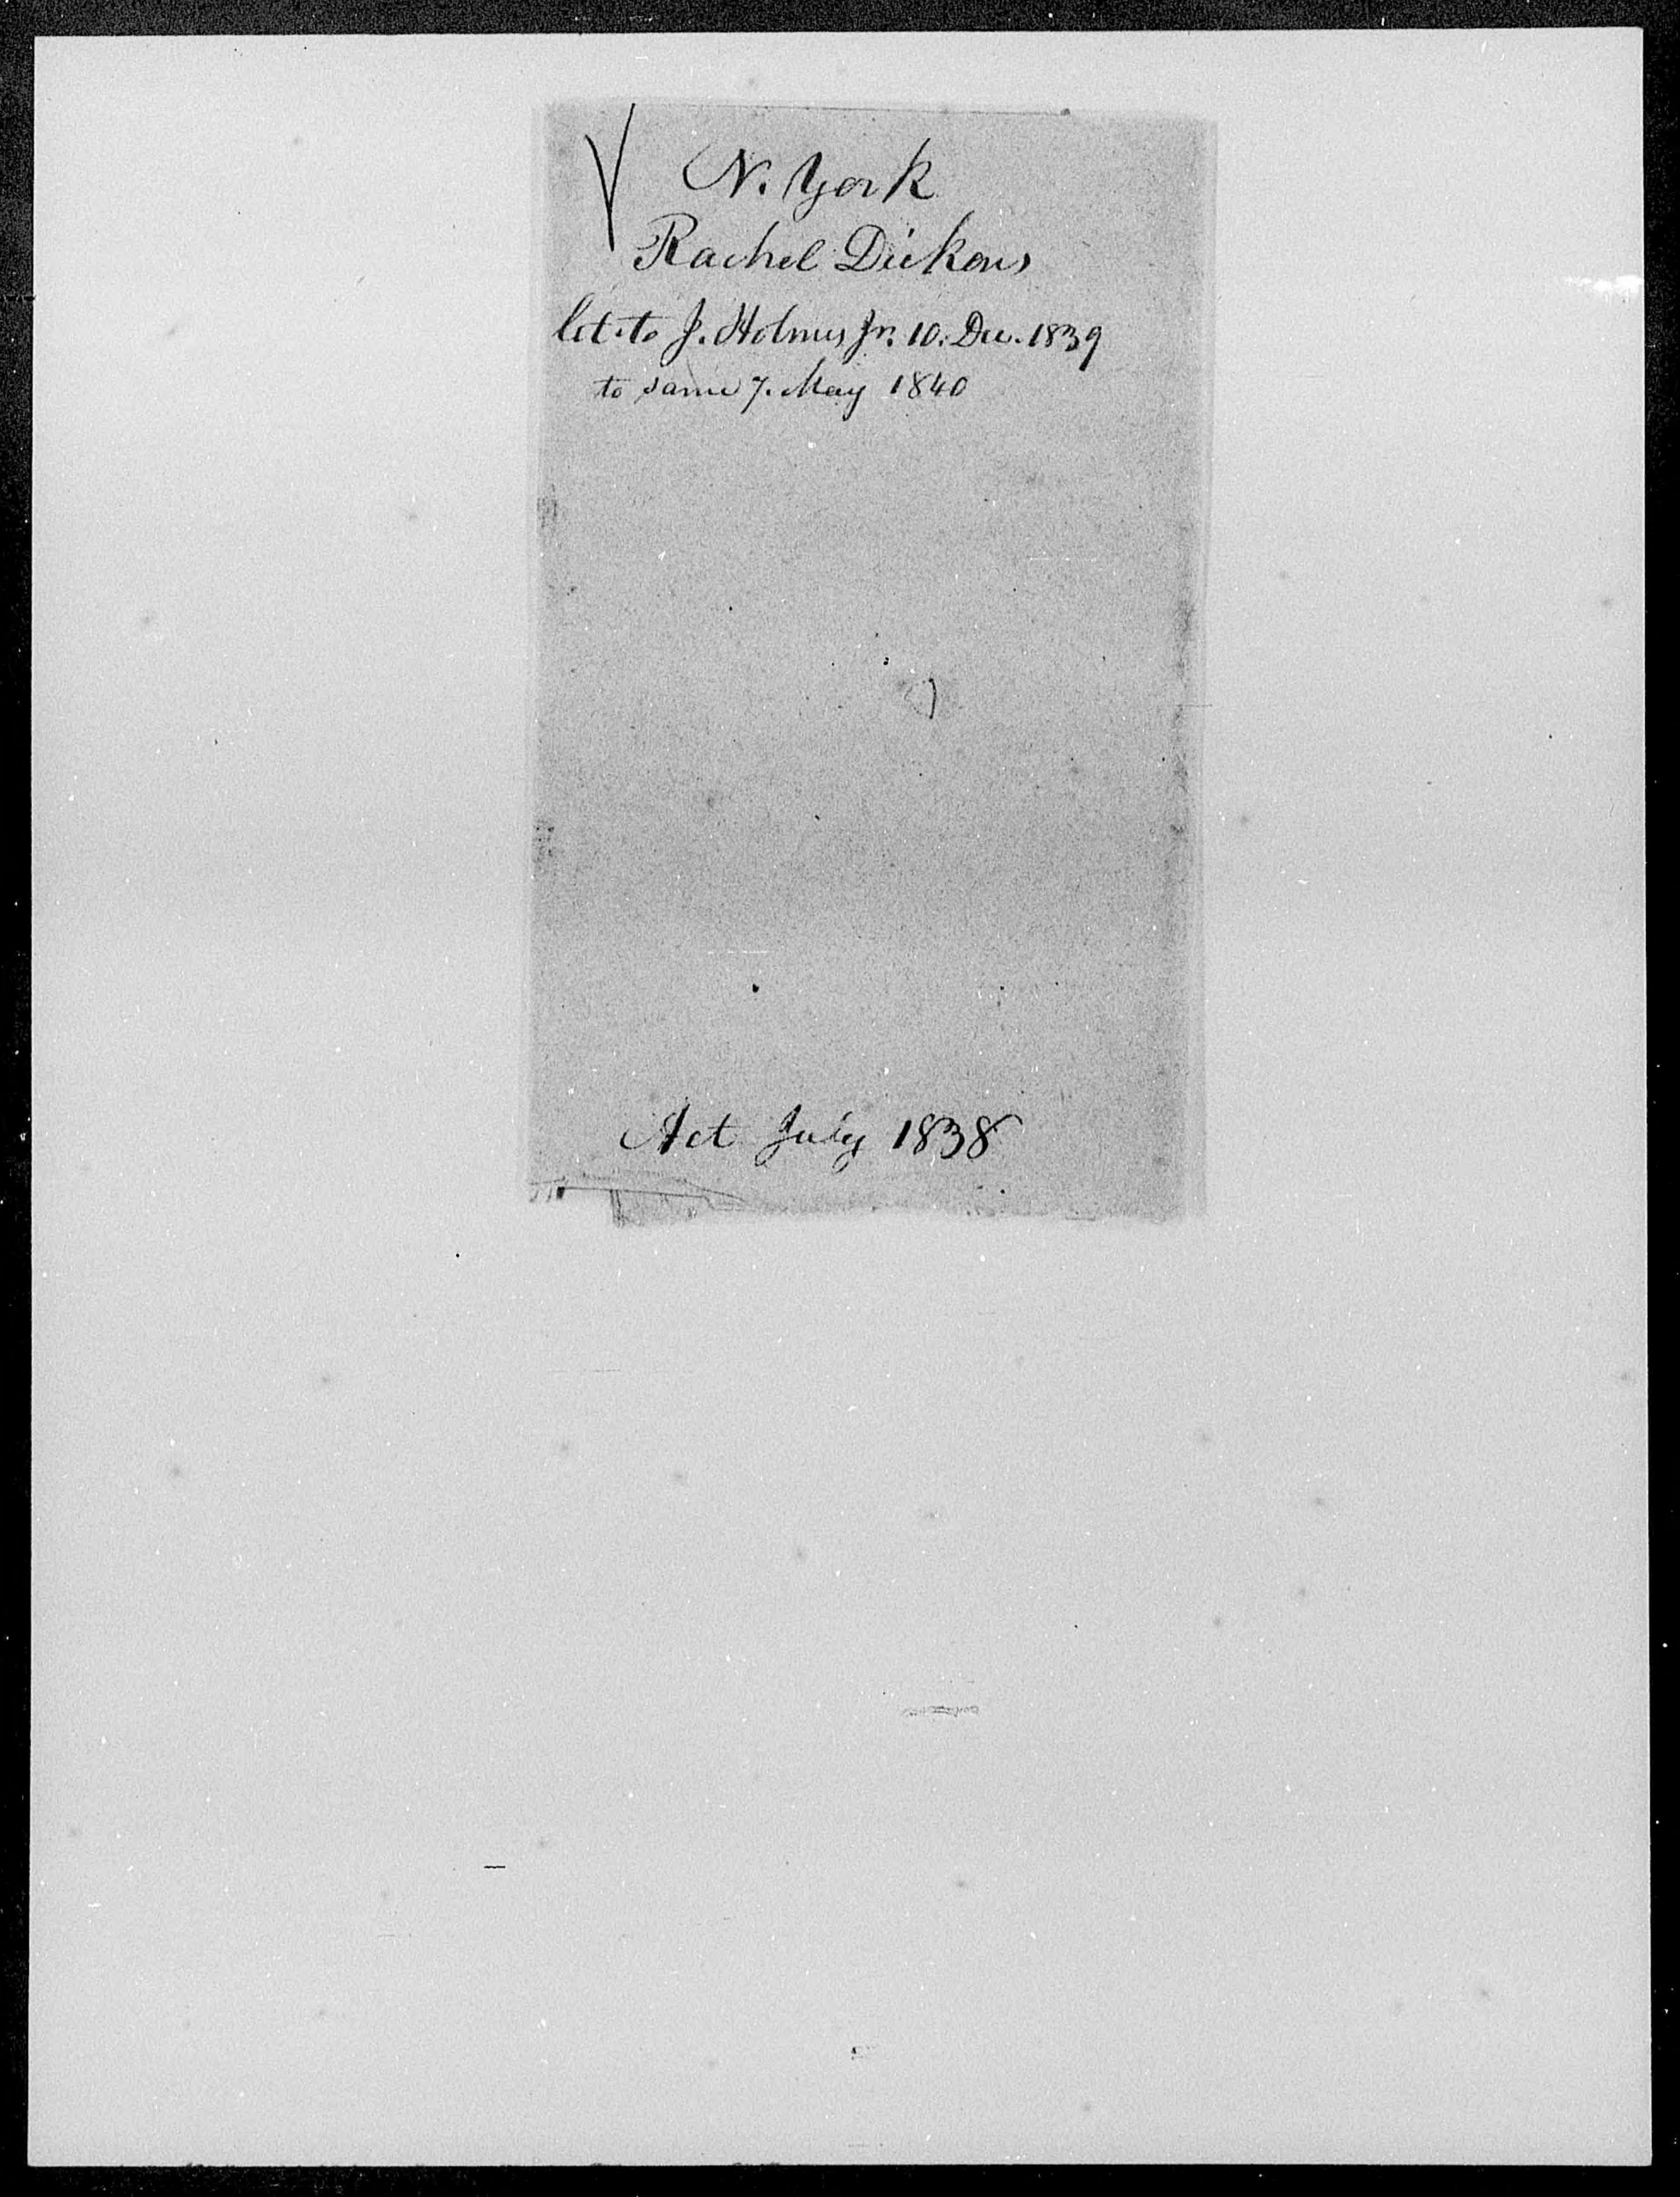N. York
Rachel Dickons
let. to J. Holmes Jr. 10. Dec. 1939
to same 7. May 1840



Act July 1838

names: Rachel Dickens, J Holmes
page: 9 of 29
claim: widow's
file: W. 17720, Arnold Dickens, New York